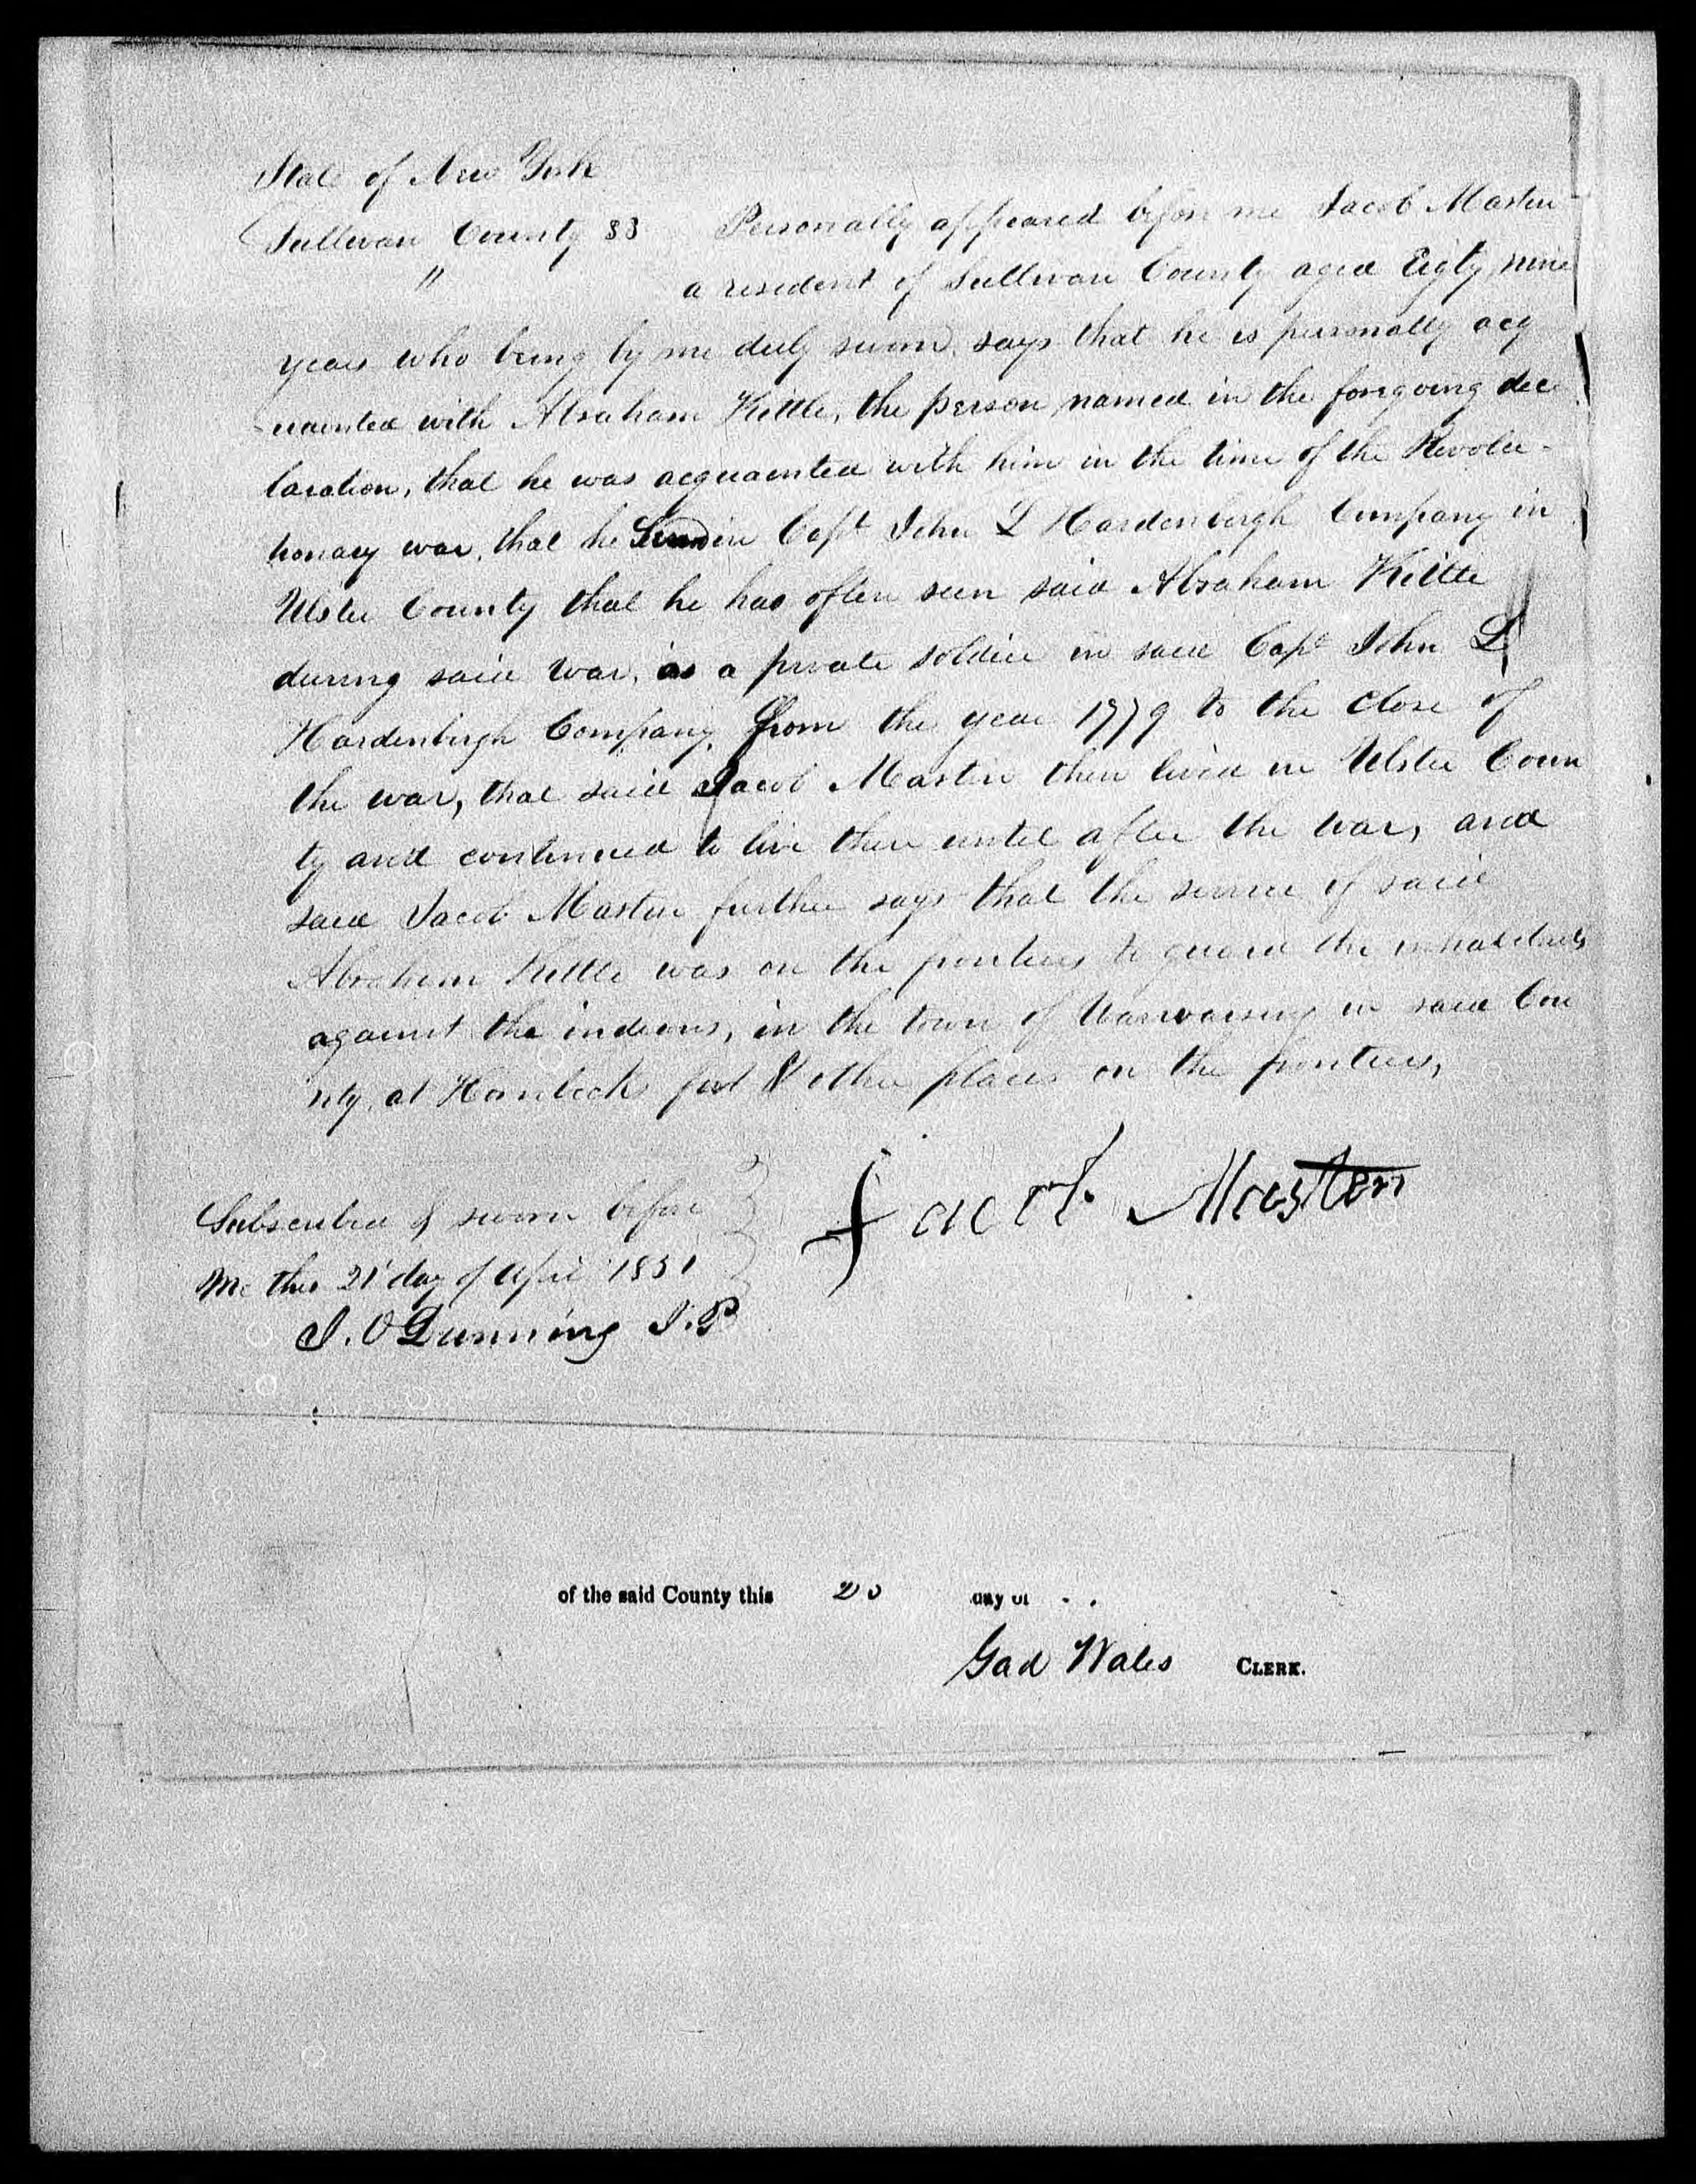State of New York Sullivan County SS  Personally appeared before me Jacob Martin resident of Sullivan County aged Eighty nine years who being by me duly sworn says that he is personally acquainted with Abraham Kettle the person named in the foregoing declaration, that he was acquainted with him in the time of the Revolutionary war that he under Capt John L Hardenburgh Company in Ulster County that he has often seen said Abraham Kittle during said war, as a private soldier in said Capt John Hardenburgh Company from the year 1779 to the close of the war, that said Jacob Martin their lived in Ulster Coun and continued to live there until after the war, and said Jacob Martin further says that the service of said Abraham Hill was on the frontier to guard the inhabitants against the indians, in the town of Wawarsing in said County at Hornbeck & other places on the frontiers 
Subscribed & sworn before me this 21 day of April 1851 
J O Dunning J P 
Jacob Martin of the said County this day of Gad Wales CLERK.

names: Gad Wales; J O Dunning; Jacob Martin; Abraham Kittle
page: 7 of 18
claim: rejected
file: R. 6002, for Abraham Kittle, New York